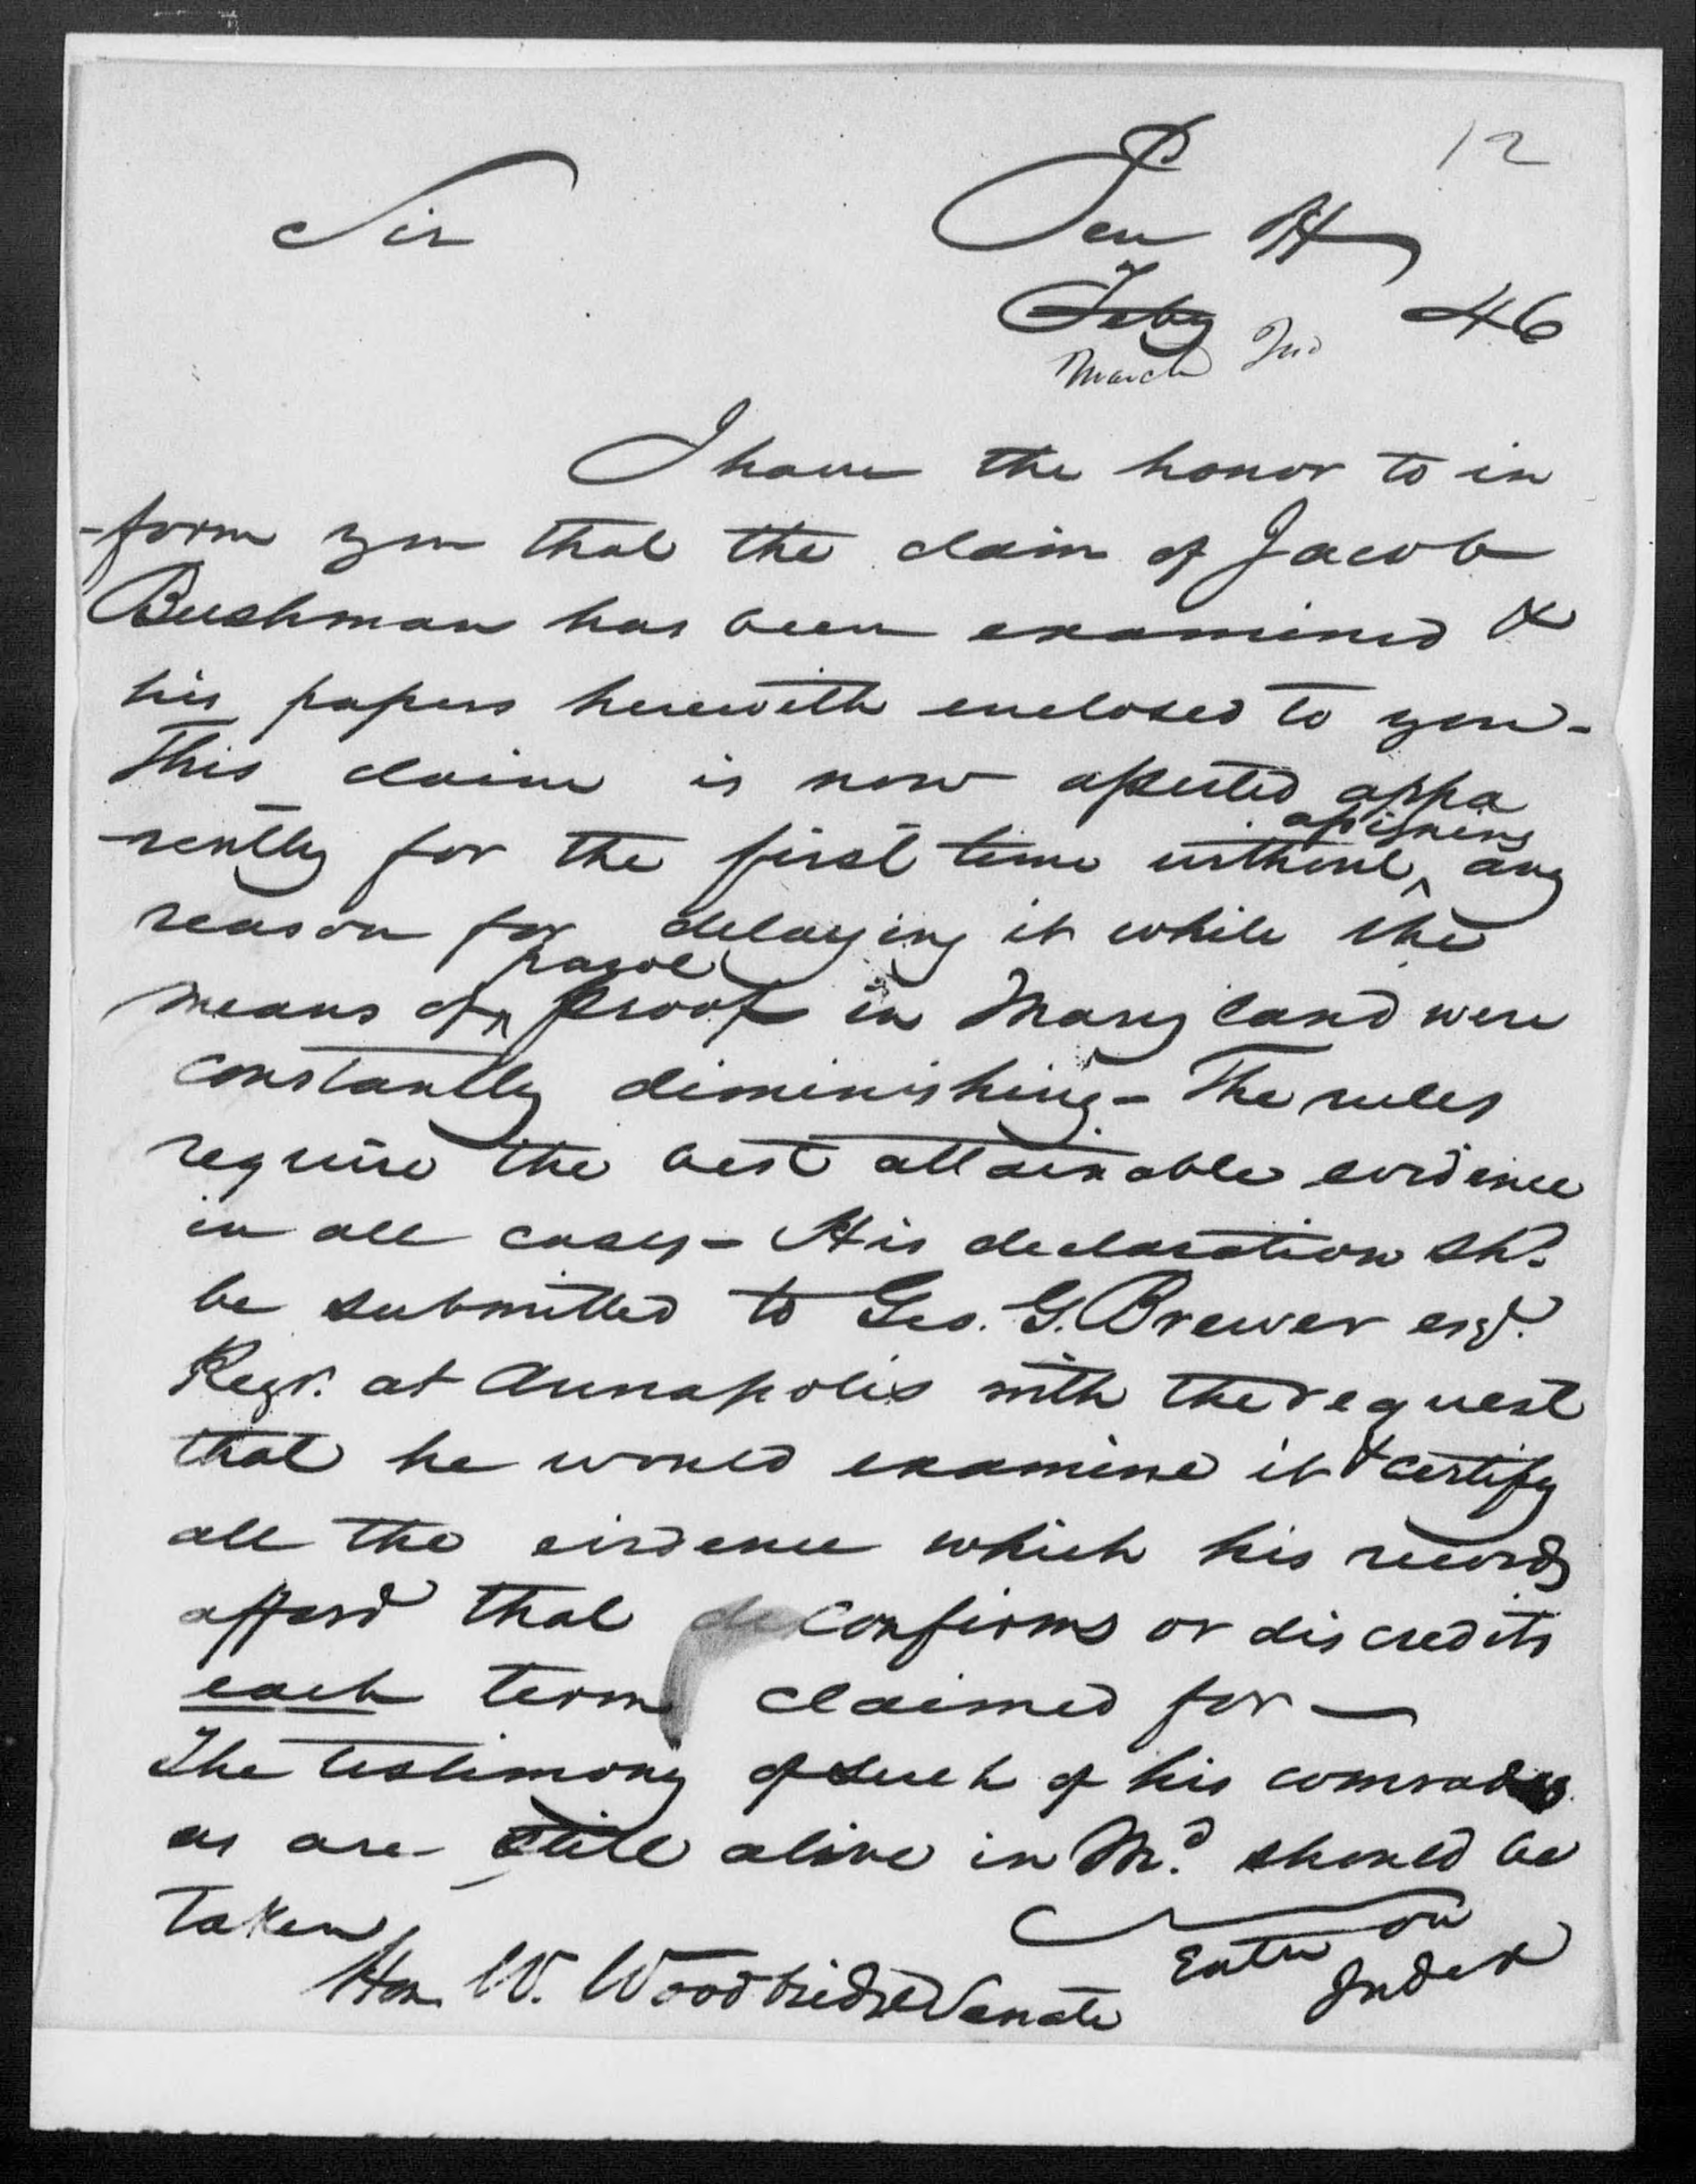[page number, upper right]12
Sir 
Pen Office
Feby[crossed out] 
March 2nd 46

I have the honor to inform you that the claim of Jacob Bushman has been examined & his papers herewith enclosed to you- This claim is now ap[illegible] apparently for the first time without ^assigning  any reason for delaying it while the means of proof in Maryland were constantly diminishing - The rules require the best attainable evidence in all cases - His declaration shd. [should] be submitted to Geo. G. Brewer [illegible] Regr. at Annapolis with the request that he would examine it & certify all the evidence which his records afford that confirms or discredits [underlined]each term claimed for _ The testimony of such of his comrades as are still alive in Md. should be taken.

Hon. W. Woodbridge Senate

Enter on Index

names: Jacob Bushman, W Woodbridge, Geo G Brewer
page: 6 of 8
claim: rejected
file: R. 1535, Jacob Bushman, Md